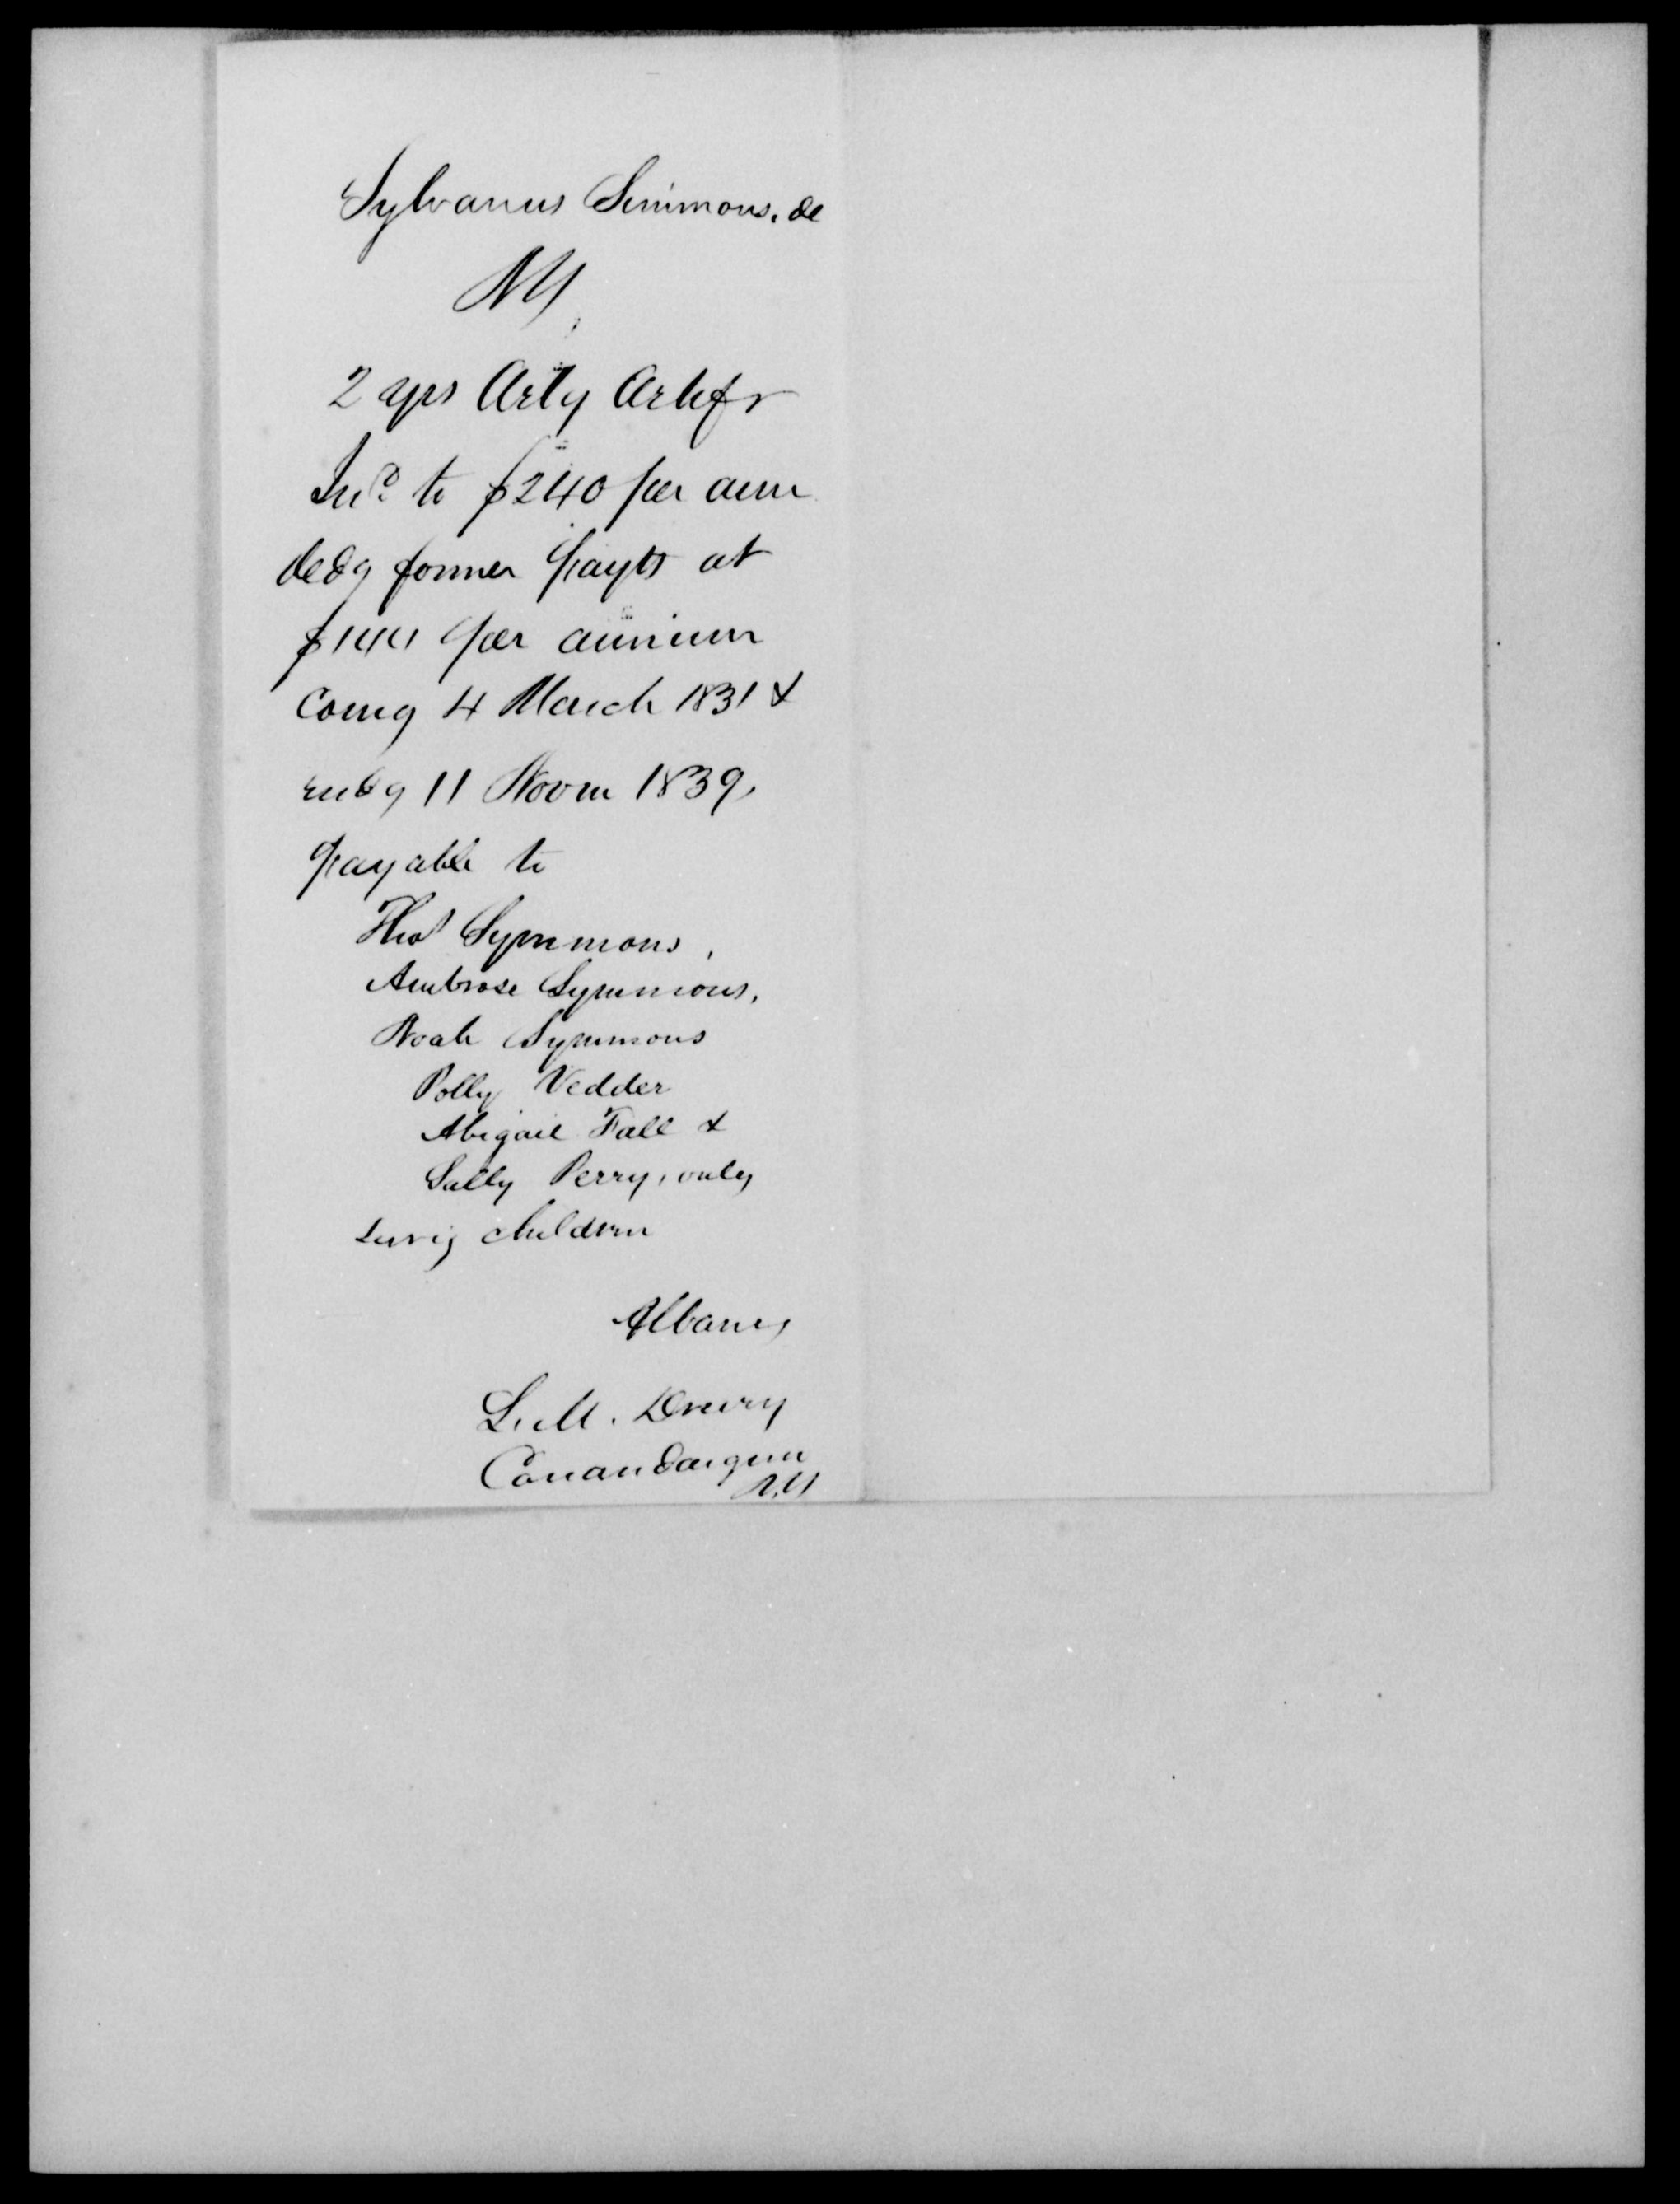Sylvanus Simmons, de
NY
2 yrs Arty Artifr
Inc to $240 per ann
dedg former payts at
$144 per annum
comg 4 March 1831 &
endg 11 Nov 1839,
payable to
Tho Symmons,
Ambrose Symmons,
Noah Symmons
Polly Vedder
Abigail Fall &
Sally Perry, only
suvig children
Albany
L.M. Drury
Canandaigua
NY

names: Polly Vedder; Noah Symmons; Abigail Fall; L M Drury; Sally Perry; Thos Symmons; Sylvanus Simmons; Ambrose Symmons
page: 22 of 31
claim: survivor's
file: S. 14484, for Sylvanus Simmons, New York